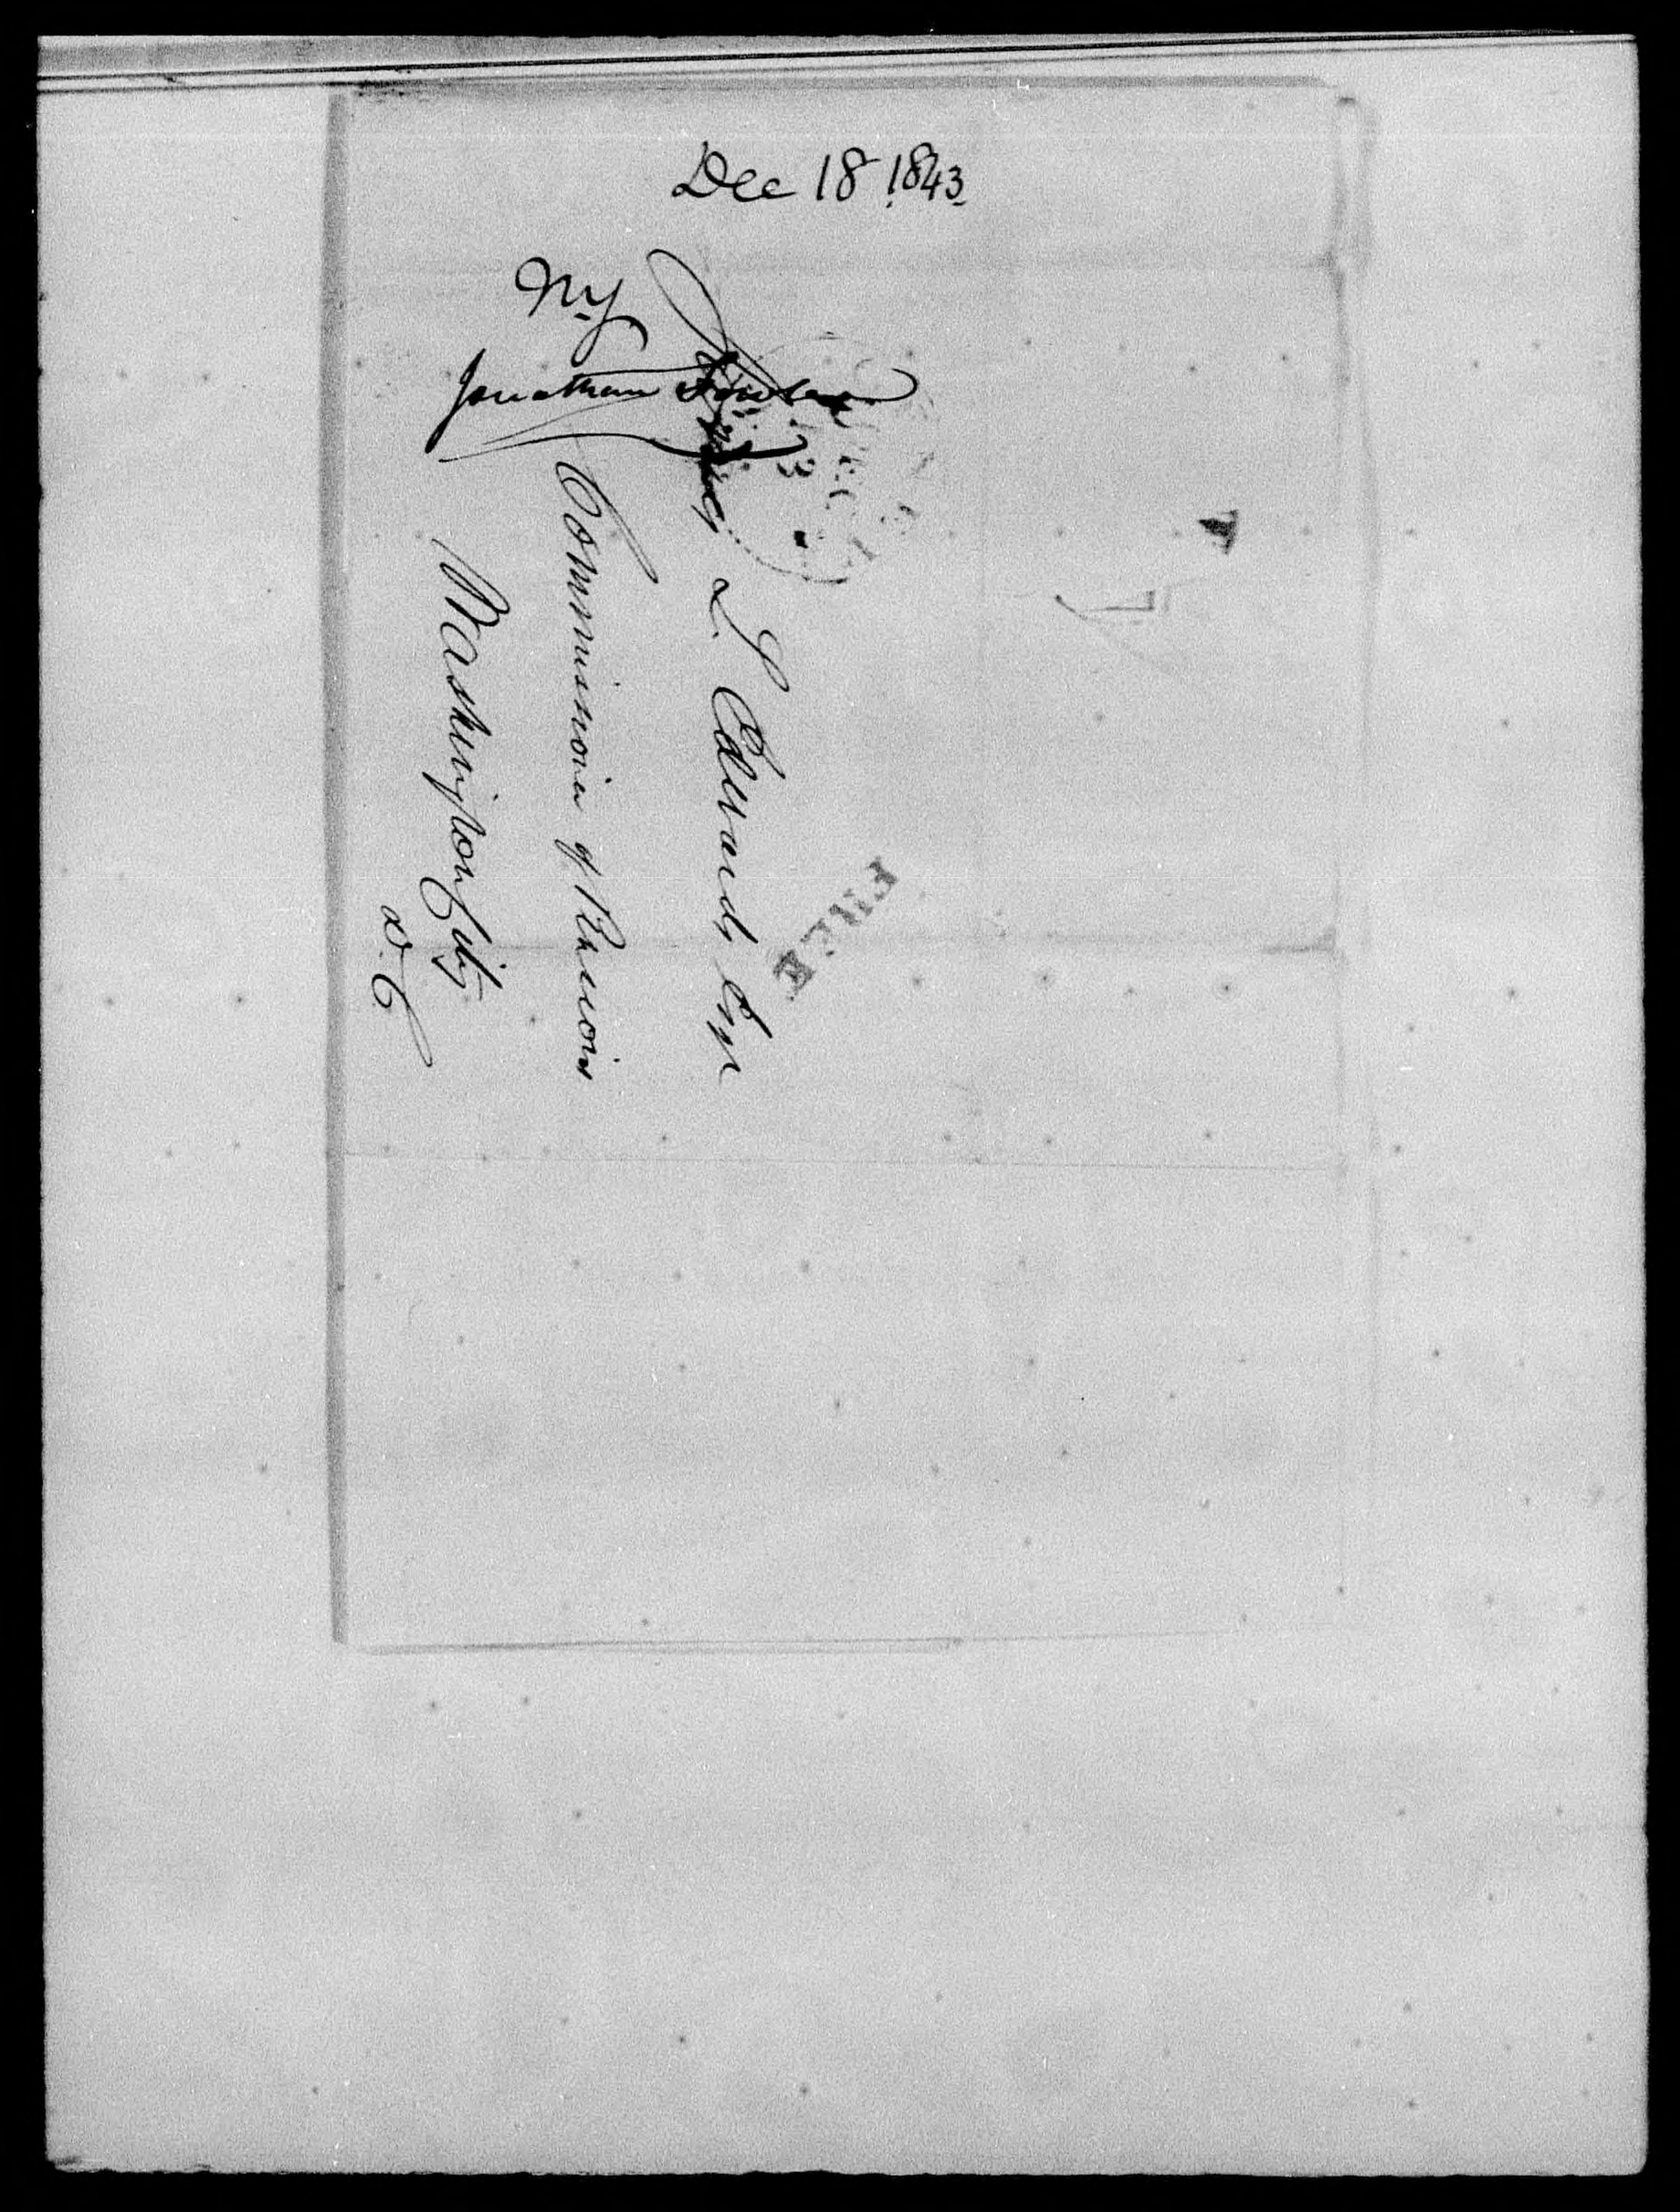Dec 18 1843
N.Y.
Jonathan Fowler

FREE
J.L. Edwards Esq.
Commissioner of Pensions
Washington City D.C.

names: J L Edwards, Jonathan Fowler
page: 19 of 44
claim: survivor's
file: S. 23639, Jonathan Fowler, New York